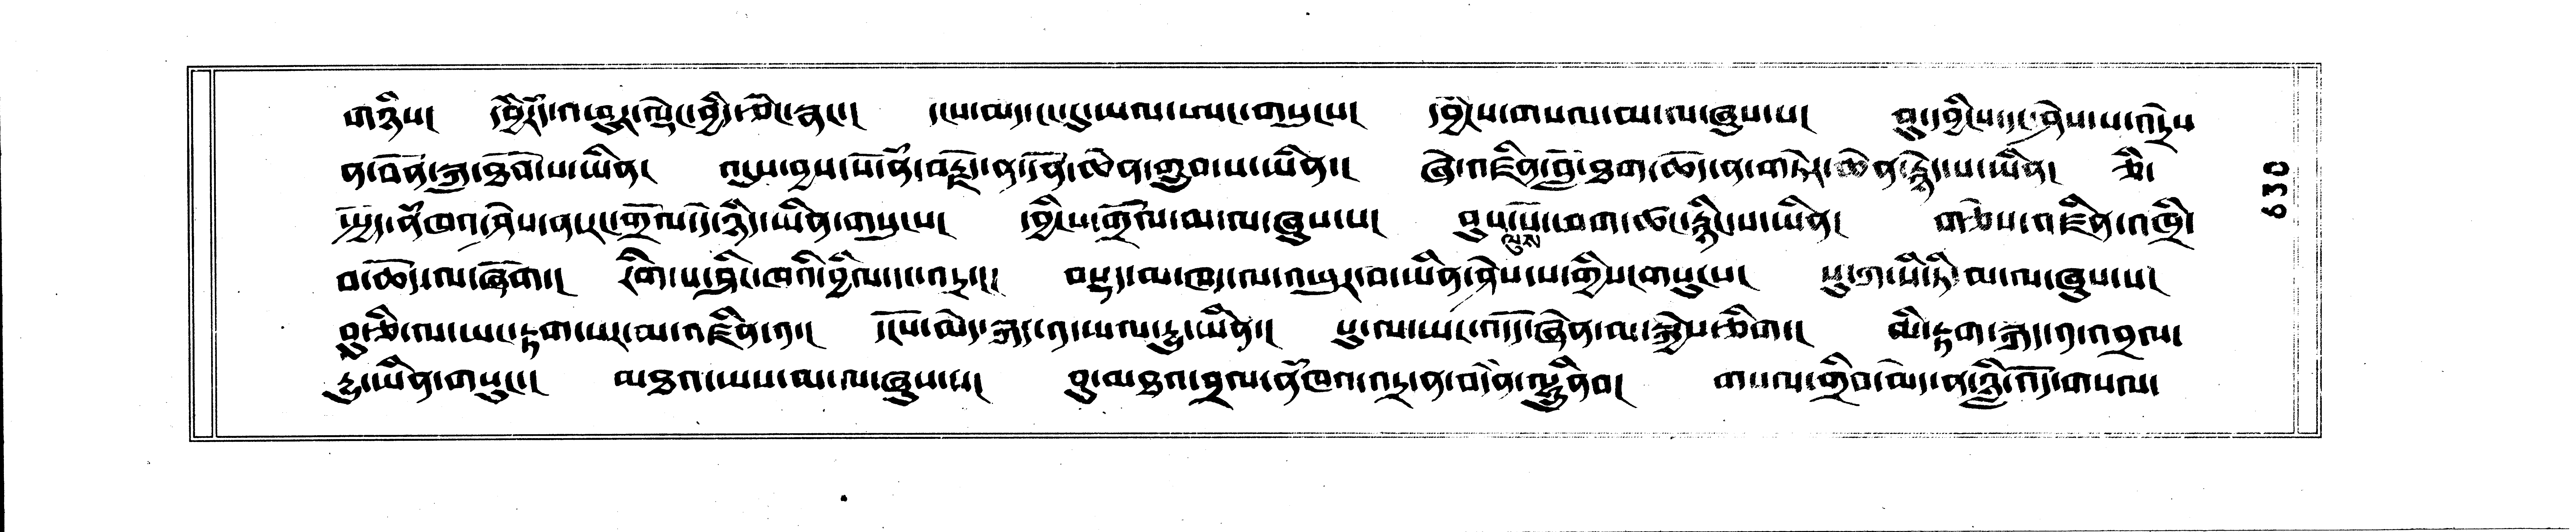གཉིས། དབྱེར་མེད་འཕུར་ལྡིང་བྱེད་ཅིང་སྣང་། དངོས་མེད་ངང་དུ་ཡལ་ནའང་གསུངས། དབྱིངས་གསལ་མ་ལ་ཞུས་པ། བུ་དབྱིངས་དང་ཡེ་ཤེས་འདྲེན་
ན་བོན་སྐུ་ཐོབ་པ་ཡིན། འདུས་བྱས་སོ་ནམ་བརྗེད་ན་དོན་ཆེན་འགྲུབ་པ་ཡིན། ཞེ་འཛིན་བློ་ཐག་ཆོད་ན་གཏེར་ཆེན་རྙེད་པ་ཡིན། ཅི་
སྤྱོད་ནམ་མཁའ་ཤེས་ན་རང་གྲོལ་དེ་ཉིད་ཡིན་གསུངས། དབྱིངས་གྲོལ་མ་ལ་ཞུས་པ། བུ་ལུས་པོ་ཕག་ཚང་སྙིང་པོ་‘‘རྙིང་པ”ཡིན། གཅེས་འཛིན་འཁྲི་
བ་ཆོད་ལ་ཞོགས། རིག་པ་ཤིང་ཁའི་བྱིལ་དང་འདྲ། བསྡད་མ་ཁད་ལ་འཕུར་བ་ཡིན་ཤེས་པར་གྱིས་ཤིག སུ་ག་སི་ཏི་ལ་ཞུས་པ། 
བུ་ཅི་ལ་རྟག་པར་མ་འཛིན་ཅིག དངོས་མེད་སྐད་གཅིག་ཡལ་རྒྱུ་ཡིན། སུ་ལ་ཡང་འདོད་ཞན་མ་སྐྱེས་ཤིག མི་རྟག་སྐད་གཅིག་འབྲལ་
རྒྱུ་ཡིན་གསུངས། མཐའ་ཡས་མ་ལ་ཞུས་པ། བུ་མཐའ་བྲལ་ནམ་མཁའ་འདྲ་ན་བདེ་ཆེན་ལྷུན་གྱིས་གྲུབ། གསལ་སྒྲིབ་མེད་པ་ཉི་ཟླ་འདྲ་ན་འོད་གསལ་